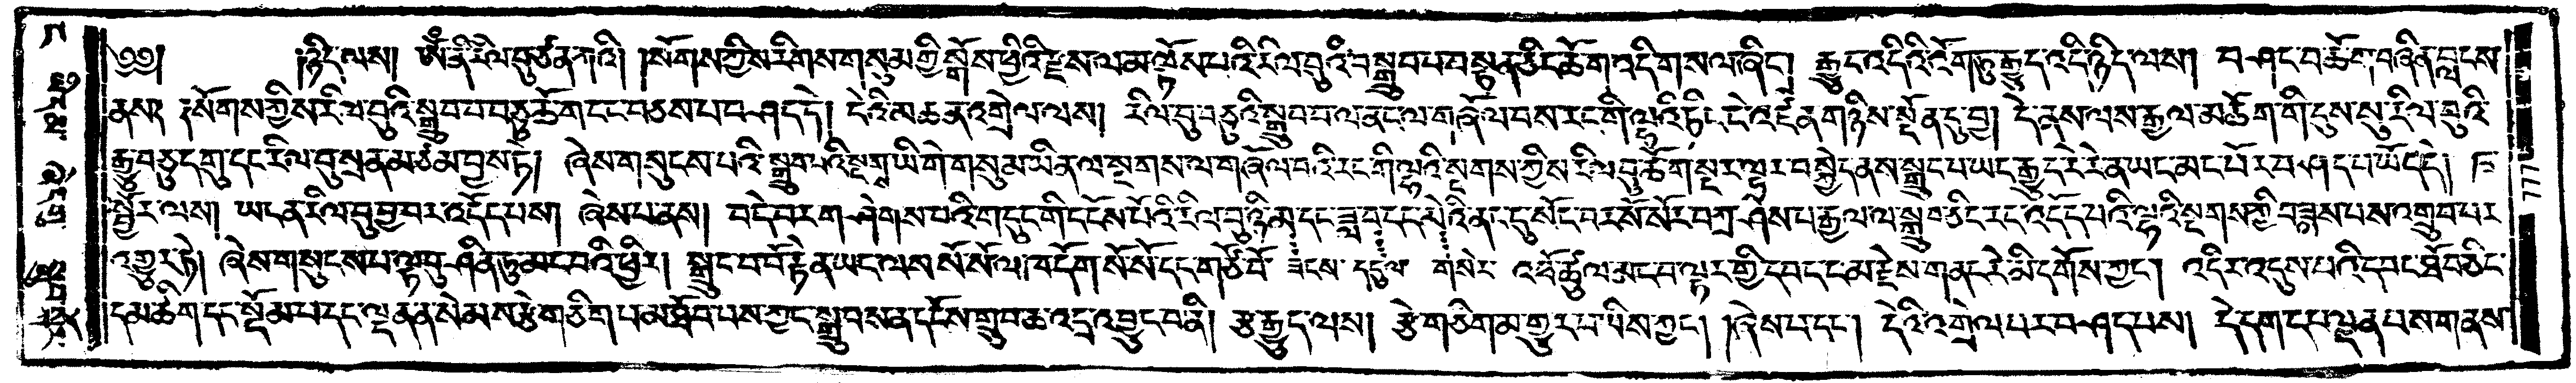༄༅། །ཉིད་ལས། ཨོཾ་ནི་རིལ་བུ་ཙན་ཀའི། །སོགས་ཀྱིས་རིགས་གསུམ་གྱི་སྒོས་ཕྱིའི་རྫས་ལམ་ལྟོས་པའི་རིལ་བུའི་བསྒྲུབ་པ་བསྟན་ཅིང་ཆོག་འདི་གསལ་ཞིང་། རྒྱུད་འདིའི་འོག་ཏུ་རྒྱུད་འདི་ཉིད་ལས། བཤང་བ་ཆོག་བཞིན་བླངས་
ནས༑ ༑སོགས་ཀྱིས་རིལ་བུའི་སྒྲུབ་པ་བཅུ་ཆོ་ག་ངང་བཅས་པ་བཤད་དེ། དེའི་མཆན་འགྲེལ་ལས། རིལ་བུ་བཅུའི་སྒྲུབ་བ་ལ་ནང་ལ་གཞོལ་བས་རང་གི་ལྷའི་ཏིང་ངེ་འཛིན་གཉིས་སྔོན་དུ་བྱ། དེ་ནས་ལས་རྒྱལ་མཆོག་གི་དུས་སུ་བུའི་
རྒྱུ་བཅུད་གུ་དང་རིལ་བུ་སྲན་མ་ཙམ་བྱས་ཏེ། ཞེས་གསུངས་པའི་སྒྲུབ་པའི་སྔགས་ཡི་གེ་གསུམ་ཡིན་ལ་སྔགས་ལ་གཞོལ་བའི་རང་གི་ལྷའི་སྔགས་ཀྱིས་རིལ་བུ་ཆོག་སྔར་ལྟར་བསྐྱེད་ནས་སྒྲུང་པ་ཡང་རྒྱུད་རེ་རེ་ན་ཡང་མང་པོར་བཤད་པ་ཡོད་དེ། །ང་
སྦྱོར་ལས། ཡང་ན་རིལ་བུ་བྱ་བར་འདོད་པས། ཞེས་པ་ནས། བདེ་བར་གཤེགས་པའི་གདུང་གི་དངོས་པོའི་རིལ་བུ་ཉི་མ་དང་ཟླ་བ་དང་མེའི་ནང་དུ་སོང་བར་སོ་སོར་བཀྲ་ཤེས་པ་རྒྱལ་ལ་སྒྲུབ་ཅིང་རང་འདོད་པའི་ལྷའི་སྔགས་ཀྱི་བཟླས་པས་འགྲུབ་པར་
འགྱུར་ཏེ། ཞེས་གསུངས་པ་ལྟ་བུ་ཤིན་ཏུ་མང་བའི་ཕྱིར། སྒྲུབ་པ་བོ་རྟེན་ཡང་ལས་སོ་སོ་ལ་ཁ་དོག་སོ་སོ་དང་གཙོ་བོ་ཟངས་དངུལ་གསེར་འཕོ་ཚུལ་མང་བ་ལྟར་གྱི་དབང་ངམ་རྗེས་གནང་རེ་མི་དགོས་ཀྱང་། འདིར་འདུས་པའི་དབང་ཐོབ་ཙང་
དམ་ཚིག་དང་སྔོམ་པ་དང་ལྡན་ན་སེམས་རྩེ་གཅིག་པ་མ་ཐོབ་པས་ཀྱང་སྒྲུབས་ན་དངོས་གྲུབ་ཆ་འབྲ་འབྱུང་བ་ནི། རྩ་རྒྱུད་ལས། རྩེ་གཅིག་མ་གྱུར་པ་ཡིས་ཀྱང་། །ཞེས་པ་དང་། དེའི་འགྲེལ་པར་བཤད་པས། དེ་དག་དང་ལྡན་པས་གནས་